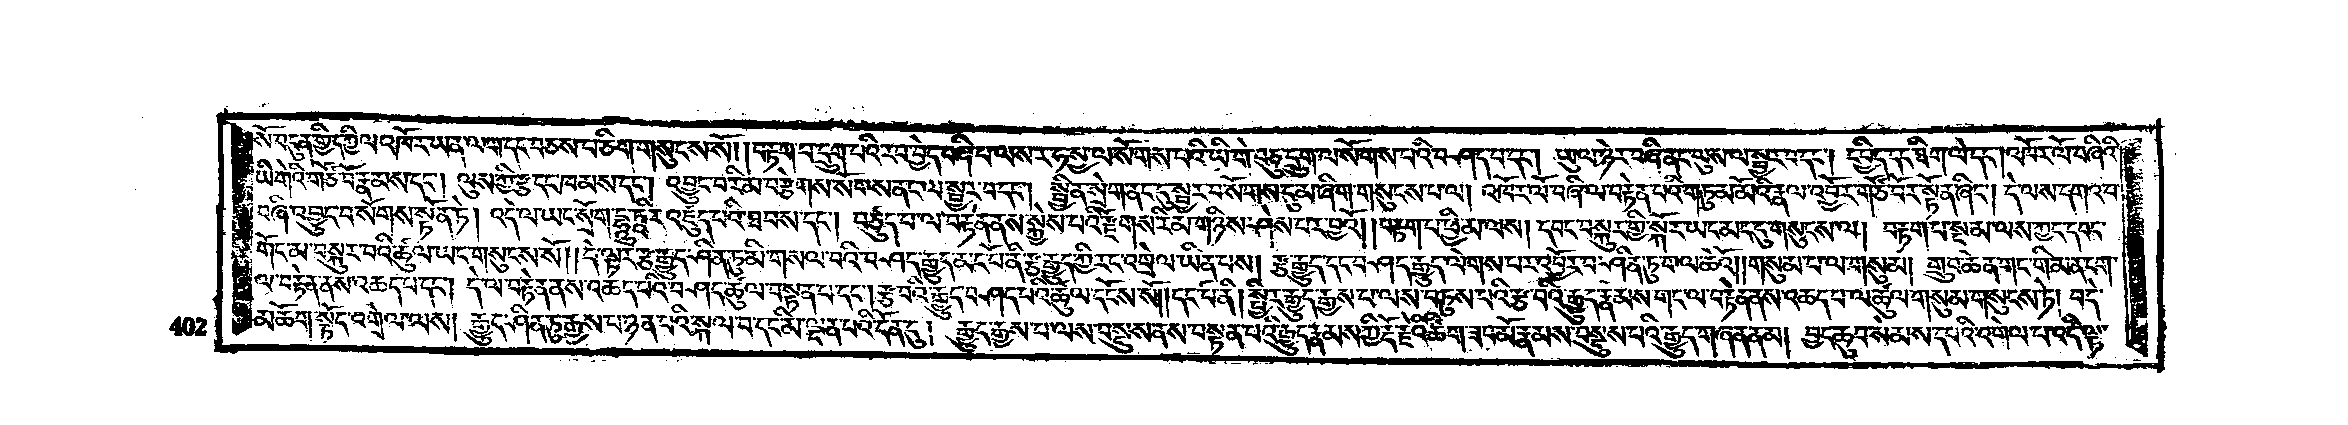སོ་བདུན་གྱི་དཀྱིལ་འཁོར་ཡན་ལག་དང་བཅས་པ་ཅིག་གསུངས་སོ། །བརྟག་པ་དྲུག་པའི་རབ་བྱེད་བཞི་པ་ལས་ར་ཧ་སྱ་ལ་སོགས་པའི་ཡི་གེ་བཅུ་དྲུག་ལ་སོགས་པའི་བཤད་པ་དང་། ཡུལ་ཉེར་བཞི་ནང་ལུས་ལ་སྦྱར་བ་དང་། དཔྱིད་དང་ཐིག་ལེ་དང་། འཁོར་ལོ་བཞིའི་
ཡི་གེའི་གཙོ་བོ་རྣམས་དང་། ལུས་ཀྱི་རྩ་དང་ཁམས་དང་། འབྱུང་བ་རིམ་བརྩེགས་སོགས་ནང་ལ་སྦྱར་བ་དང་། སྦྱིན་སྲེག་ནང་དུ་སྦྱར་བ་སོགས་དུ་མ་ཞིག་གསུངས་པ་ལ། འཁོར་ལོ་བཞི་ལ་བརྟེན་པའི་གཏུམ་མོའི་རྣལ་འབྱོར་གཙོ་བོར་སྟོན་ཞིང་། དེ་ལས་དགའ་བ་
བཞི་འབྱུང་བ་སོགས་སྟོན་ཏེ། འདི་ལ་ཡང་སྲོག་དྷཱུ་ཏཱིར་འཛུད་པའི་ཐབས་དང་། བཙུད་པ་ལ་བརྟེན་ནས་སྐྱེས་པའི་རྫོགས་རིམ་གཉིས་ཤེས་པར་བྱའོ། །བརྟག་པ་ཕྱི་མ་ལས། དབང་བསྐུར་གྱི་སྐོར་ཡང་མང་དུ་གསུངས་ལ། བརྟག་པ་སྔ་མ་ལས་ཀྱང་དབང་
གོང་མ་བསྐུར་བའི་ཚུལ་ཡང་གསུངས་སོ། །དེ་ལྟར་རྩ་རྒྱུད་ཤིན་ཏུ་མི་གསལ་བའི་བཤད་རྒྱུད་མང་པོ་ནི་རྩ་རྒྱུད་ཀྱི་རང་འགྲེལ་ཡིན་པས། རྩ་རྒྱུད་དང་བཤད་རྒྱུད་ལེགས་པར་འབྱོར་བ་ཤིན་ཏུ་གལ་ཆེའོ། །གསུམ་པ་ལ་གསུམ། གྲུབ་ཆེན་གང་གི་མན་ངག་
ལ་བརྟེན་ནས་འཆད་པ་དང་། དེ་ལ་བརྟེན་ནས་འཆད་པའི་བཤད་ཚུལ་བསྟན་པ་དང་། རྩ་བའི་རྒྱུད་བཤད་པའི་ཚུལ་དངོས་སོ། །དང་པོ་ནི། སྤྱིར་རྒྱུད་རྒྱས་པ་ལས་བཏུས་པའི་རྩ་བའི་རྒྱུད་རྣམས་གང་ལ་བརྟེན་ནས་འཆད་པ་ལ་ཚུལ་གསུམ་གསུངས་ཏེ། བདེ་
མཆོག་སྟོད་འགྲེལ་ལས། རྒྱུད་ཤིན་ཏུ་རྒྱས་པ་ཉན་པའི་སྐལ་བ་དང་མི་ལྡན་པའི་དོན་དུ། རྒྱུད་རྒྱས་པ་ལས་བསྡུས་ནས་བསྟན་པའི་རྒྱུད་རྣམས་ཀྱི་རྡོ་རྗེའི་ཚིག་ཟབ་མོ་རྣམས་བསྡུས་པའི་རྒྱུད་གཞན་ནམ། བྱང་ཆུབ་སེམས་དཔའི་འགྲེལ་པ་འདི་ལྟ་